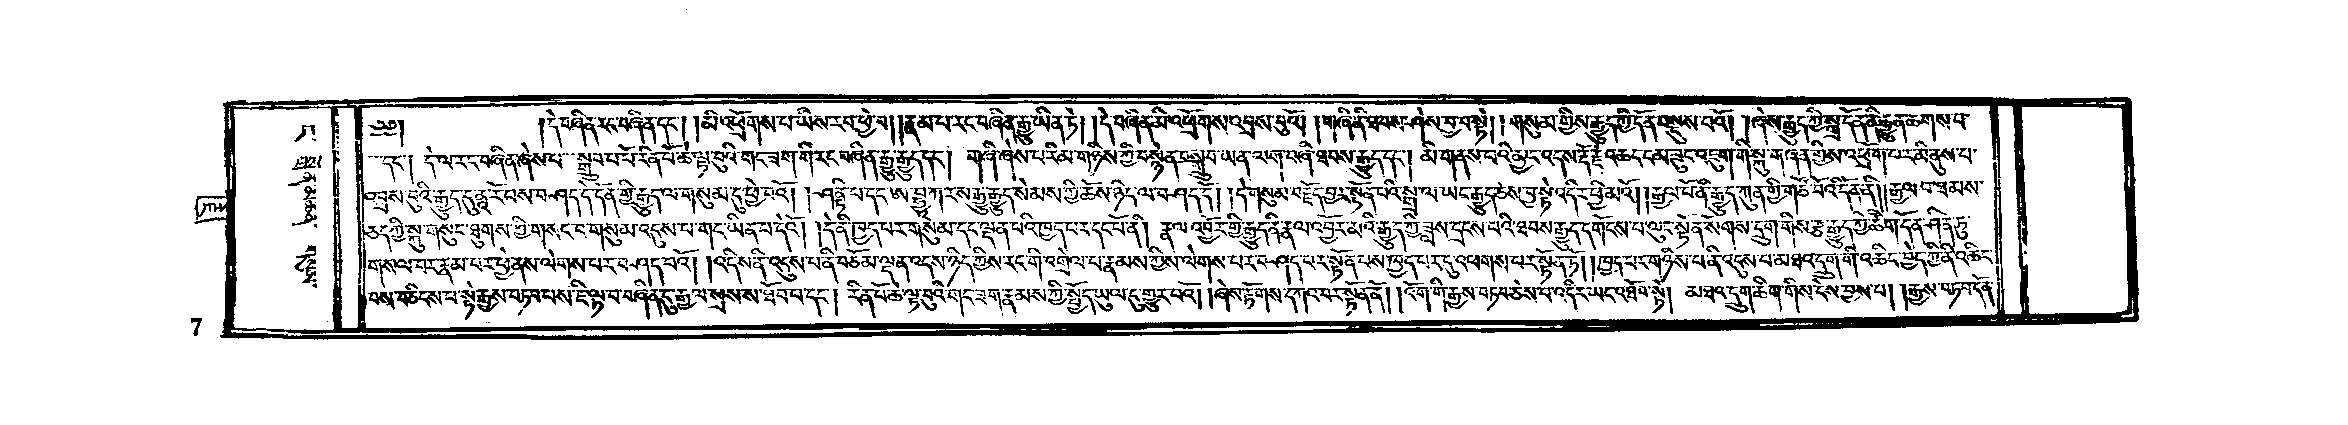༄༅། །དེ་བཞིན་རང་བཞིན་དང་། །མི་འཕྲོགས་པ་ཡིས་རབ་ཕྱེ་བ། །རྣམ་པ་རང་བཞིན་རྒྱུ་ཡིན་ཏེ། །དེ་བཞིན་མི་འཕྲོགས་འབྲས་བུའོ། །གཞི་ནི་ཐབས་ཤེས་བྱ་བ་སྟེ། །གསུམ་གྱིས་རྒྱུད་ཀྱི་དོན་བསྡུས་པའོ། །ཞེས་རྒྱུད་ཀྱི་སྒྲ་དོན་ནི་རྒྱུན་ཆགས་པ་
དང་། དེ་ལ་རང་བཞིན་ཞེས་པ་སྒྲུབ་པ་པོ་རིན་པོ་ཆེ་ལྟ་བུའི་གང་ཟག་གི་རང་བཞིན་རྒྱུ་རྒྱུད་དང་། གཞི་ཞེས་པ་རིམ་གཉིས་ཀྱི་བསྙེན་བསྒྲུབ་ཡན་ལག་བཞི་ཐབས་རྒྱུད་དང་། མི་གནས་པའི་མྱང་འདས་རྡོ་རྗེ་འཆང་ངམ་ཟུང་འཇུག་གི་སྐུ་གཞན་གྱིས་འཕྲོག་པར་མི་ནུས་པ་
འབྲས་བུའི་རྒྱུད་དུ་ནཱ་རོ་པས་བཤད་དེ་དོན་གྱི་རྒྱུད་ལ་གསུམ་དུ་ཕྱེ་བའོ། །ཤནྟི་པ་དང་ཨ་བྷྱཱ་ཀ་རས་རྒྱུ་རྒྱུད་སེམས་ཀྱི་ཆོས་ཉིད་ལ་བཤད་དོ། །དེ་གསུམ་བརྗོད་བྱར་སྟོན་པའི་སྒྲ་ལ་ཡང་རྒྱུད་ཅེས་བྱ་སྟེ་འདིར་ཕྱི་མའོ། །རྒྱལ་པོ་ནི་རྒྱུད་ཀུན་གྱི་གཙོ་བོའི་དོན་ནི། །རྒྱལ་བ་ཐམས་
ཅད་ཀྱི་སྐུ་གསུང་ཐུགས་ཀྱི་གསང་བ་གསུམ་འདུས་པ་གང་ཡིན་པ་དེའོ། །དེ་ནི་ཁྱད་པར་གསུམ་དང་ལྡན་པའི་ཁྱད་པར་དང་པོ་ནི། རྣལ་འབྱོར་གྱི་རྒྱུད་ནི་རྣལ་འབྱོར་མའི་རྒྱུད་ཀྱི་ཟླས་དྲངས་པའི་ཐབས་རྒྱུད་དགོངས་པ་ལུང་སྟོན་སོགས་དྲུག་གིས་རྩ་རྒྱུད་ཀྱི་ཚིག་དོན་ཤིན་ཏུ་
གསལ་བར་རྣམ་པར་ཕྱེ་ནས་ལེགས་པར་བཤད་པའོ། །འདིས་ནི་འདུས་པ་ནི་བཅོམ་ལྡན་འདས་ཉིད་ཀྱིས་རང་གི་འགྲེལ་པ་རྣམས་ཀྱིས་ལེགས་པར་བཤད་པར་སྟོན་པས་ཁྱད་པར་དུ་འཕགས་པར་སྟོན་ཏོ། །ཁྱད་པར་གཉིས་པ་ནི་འདུས་པ་མཐའ་དྲུག་གི་འཆིང་བྱེད་ཀྱི་ནི་འཆིང་
བས་བཅིངས་བ་སྟེ་རྒྱས་བཏབ་པས་ཇི་ལྟ་བ་བཞིན་དུ་རྒྱལ་སྲས་ས་ཐོབ་པ་དང་། རིན་པོ་ཆེ་ལྟ་བུའི་གང་ཟག་རྣམས་ཀྱི་སྤྱོད་ཡུལ་དུ་གྱུར་བའོ། །ཞེས་རྟོགས་དཀའ་བར་སྟོན་ནོ། །འོག་གི་རྒྱས་བཏབ་ཅེས་པ་འདིར་ཡང་འཐོབ་སྟེ། མཐའ་དྲུག་ཚིག་གིས་ངེས་བྱས་པ། །རྒྱས་བཏབ་དོན་